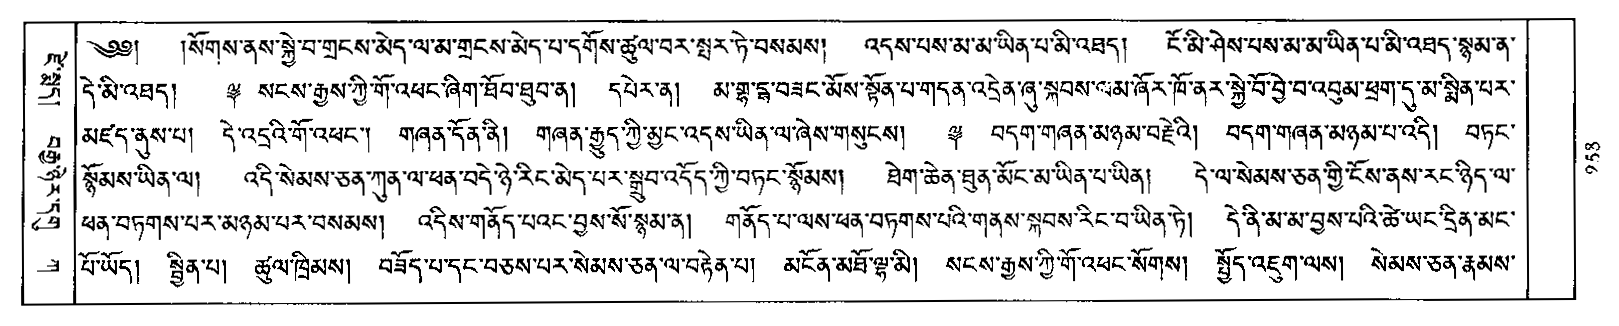༄༅། །སོགས་ནས་སྐྱེ་བ་གྲངས་མེད་ལ་མ་གྲངས་མེད་པ་དགོས་ཚུལ་བར་སྤར་ཏེ་བསམས། འདས་པས་མ་མ་ཡིན་པ་མི་འཐད། ངོ་མི་ཤེས་པས་མ་མ་ཡིན་པ་མི་འཐད་སྙམ་ན་
དེ་མི་འཐད། ༈ སངས་རྒྱས་ཀྱི་གོ་འཕང་ཞིག་ཐོབ་ཐུབ་ན། དཔེར་ན། མ་གྷ་དྷ་བཟང་མོས་སྟོན་པ་གདན་འདྲེན་ཞུ་སྐབས་ལམ་ཞོར་ཁོ་ནར་སྐྱེ་བོ་བྱེ་བ་འབུམ་ཕྲག་དུ་མ་སྨིན་པར་
མཛད་ནུས་པ། དེ་འདྲའི་གོ་འཕང་། གཞན་དོན་ནི། གཞན་རྒྱུད་ཀྱི་མྱང་འདས་ཡིན་ལ་ཞེས་གསུངས། ༈ བདག་གཞན་མཉམ་བརྗེའི། བདག་གཞན་མཉམ་པ་འདི། བཏང་
སྙོམས་ཡིན་ལ། འདི་སེམས་ཅན་ཀུན་ལ་ཕན་བདེ་ཉེ་རིང་མེད་པར་སྒྲུབ་འདོད་ཀྱི་བཏང་སྙོམས། ཐེག་ཆེན་ཐུན་མོང་མ་ཡིན་པ་ཡིན། དེ་ལ་སེམས་ཅན་གྱི་ངོས་ནས་རང་ཉིད་ལ་
ཕན་བཏགས་པར་མཉམ་པར་བསམས། འདིས་གནོད་པའང་བྱས་སོ་སྙམ་ན། གནོད་པ་ལས་ཕན་བཏགས་པའི་གནས་སྐབས་རིང་བ་ཡིན་ཏེ། དེ་ནི་མ་མ་བྱས་པའི་ཚེ་ཡང་དྲིན་མང་
པོ་ཡོད། སྦྱིན་པ། ཚུལ་ཁྲིམས། བཟོད་པ་དང་བཅས་པར་སེམས་ཅན་ལ་བརྟེན་པ། མངོན་མཐོ་ལྷ་མི། སངས་རྒྱས་ཀྱི་གོ་འཕང་སོགས། སྤྱོད་འཇུག་ལས། སེམས་ཅན་རྣམས་